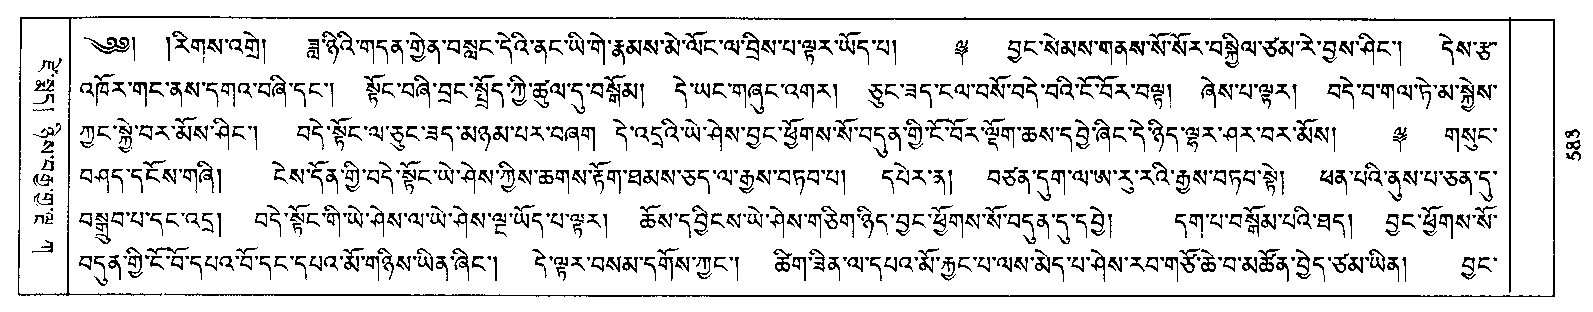༄༅། །རིགས་འགྲེ། ཟླ་ཉིའི་གདན་གྱེན་བསླང་དེའི་ནང་ཡི་གེ་རྣམས་མེ་ལོང་ལ་བྲིས་པ་ལྟར་ཡོད་པ། ༈ བྱང་སེམས་གནས་སོ་སོར་བསྐྱིལ་ཙམ་རེ་བྱས་ཤིང་། དེས་རྩ་
འཁོར་གང་ནས་དགའ་བཞི་དང་། སྟོང་བཞི་བྲང་སྤྲོད་ཀྱི་ཚུལ་དུ་བསྒོམ། དེ་ཡང་གཞུང་འགར། ཅུང་ཟད་ངལ་བསོ་བདེ་བའི་ངོ་བོར་བལྟ། ཞེས་པ་ལྟར། བདེ་བ་གལ་ཏེ་མ་སྐྱེས་
ཀྱང་སྐྱེ་བར་མོས་ཤིང་། བདེ་སྟོང་ལ་ཅུང་ཟད་མཉམ་པར་བཞག་དེ་འདྲའི་ཡེ་ཤེས་བྱང་ཕྱོགས་སོ་བདུན་གྱི་ངོ་བོར་ལྡོག་ཆས་དབྱེ་ཞིང་དེ་ཉིད་ལྷར་ཤར་བར་མོས། ༈ གསུང་
བཤད་དངོས་གཞི། ངེས་དོན་གྱི་བདེ་སྟོང་ཡེ་ཤེས་ཀྱིས་ཆགས་རྟོག་ཐམས་ཅད་ལ་རྒྱས་བཏབ་པ། དཔེར་ན། བཙན་དུག་ལ་ཨ་རུ་རའི་རྒྱས་བཏབ་སྟེ། ཕན་པའི་ནུས་པ་ཅན་དུ་
བསྒྲུབ་པ་དང་འདྲ། བདེ་སྟོང་གི་ཡེ་ཤེས་ལ་ཡེ་ཤེས་ལྔ་ཡོད་པ་ལྟར། ཆོས་དབྱིངས་ཡེ་ཤེས་གཅིག་ཉིད་བྱང་ཕྱོགས་སོ་བདུན་དུ་དབྱེ། དག་པ་བསྒོམ་པའི་ཐད། བྱང་ཕྱོགས་སོ་
བདུན་གྱི་ངོ་བོ་དཔའ་བོ་དང་དཔའ་མོ་གཉིས་ཡིན་ཞིང་། དེ་ལྟར་བསམ་དགོས་ཀྱང་། ཚིག་ཟིན་ལ་དཔའ་མོ་རྐྱང་པ་ལས་མེད་པ་ཤེས་རབ་གཙོ་ཆེ་བ་མཚོན་བྱེད་ཙམ་ཡིན། བྱང་